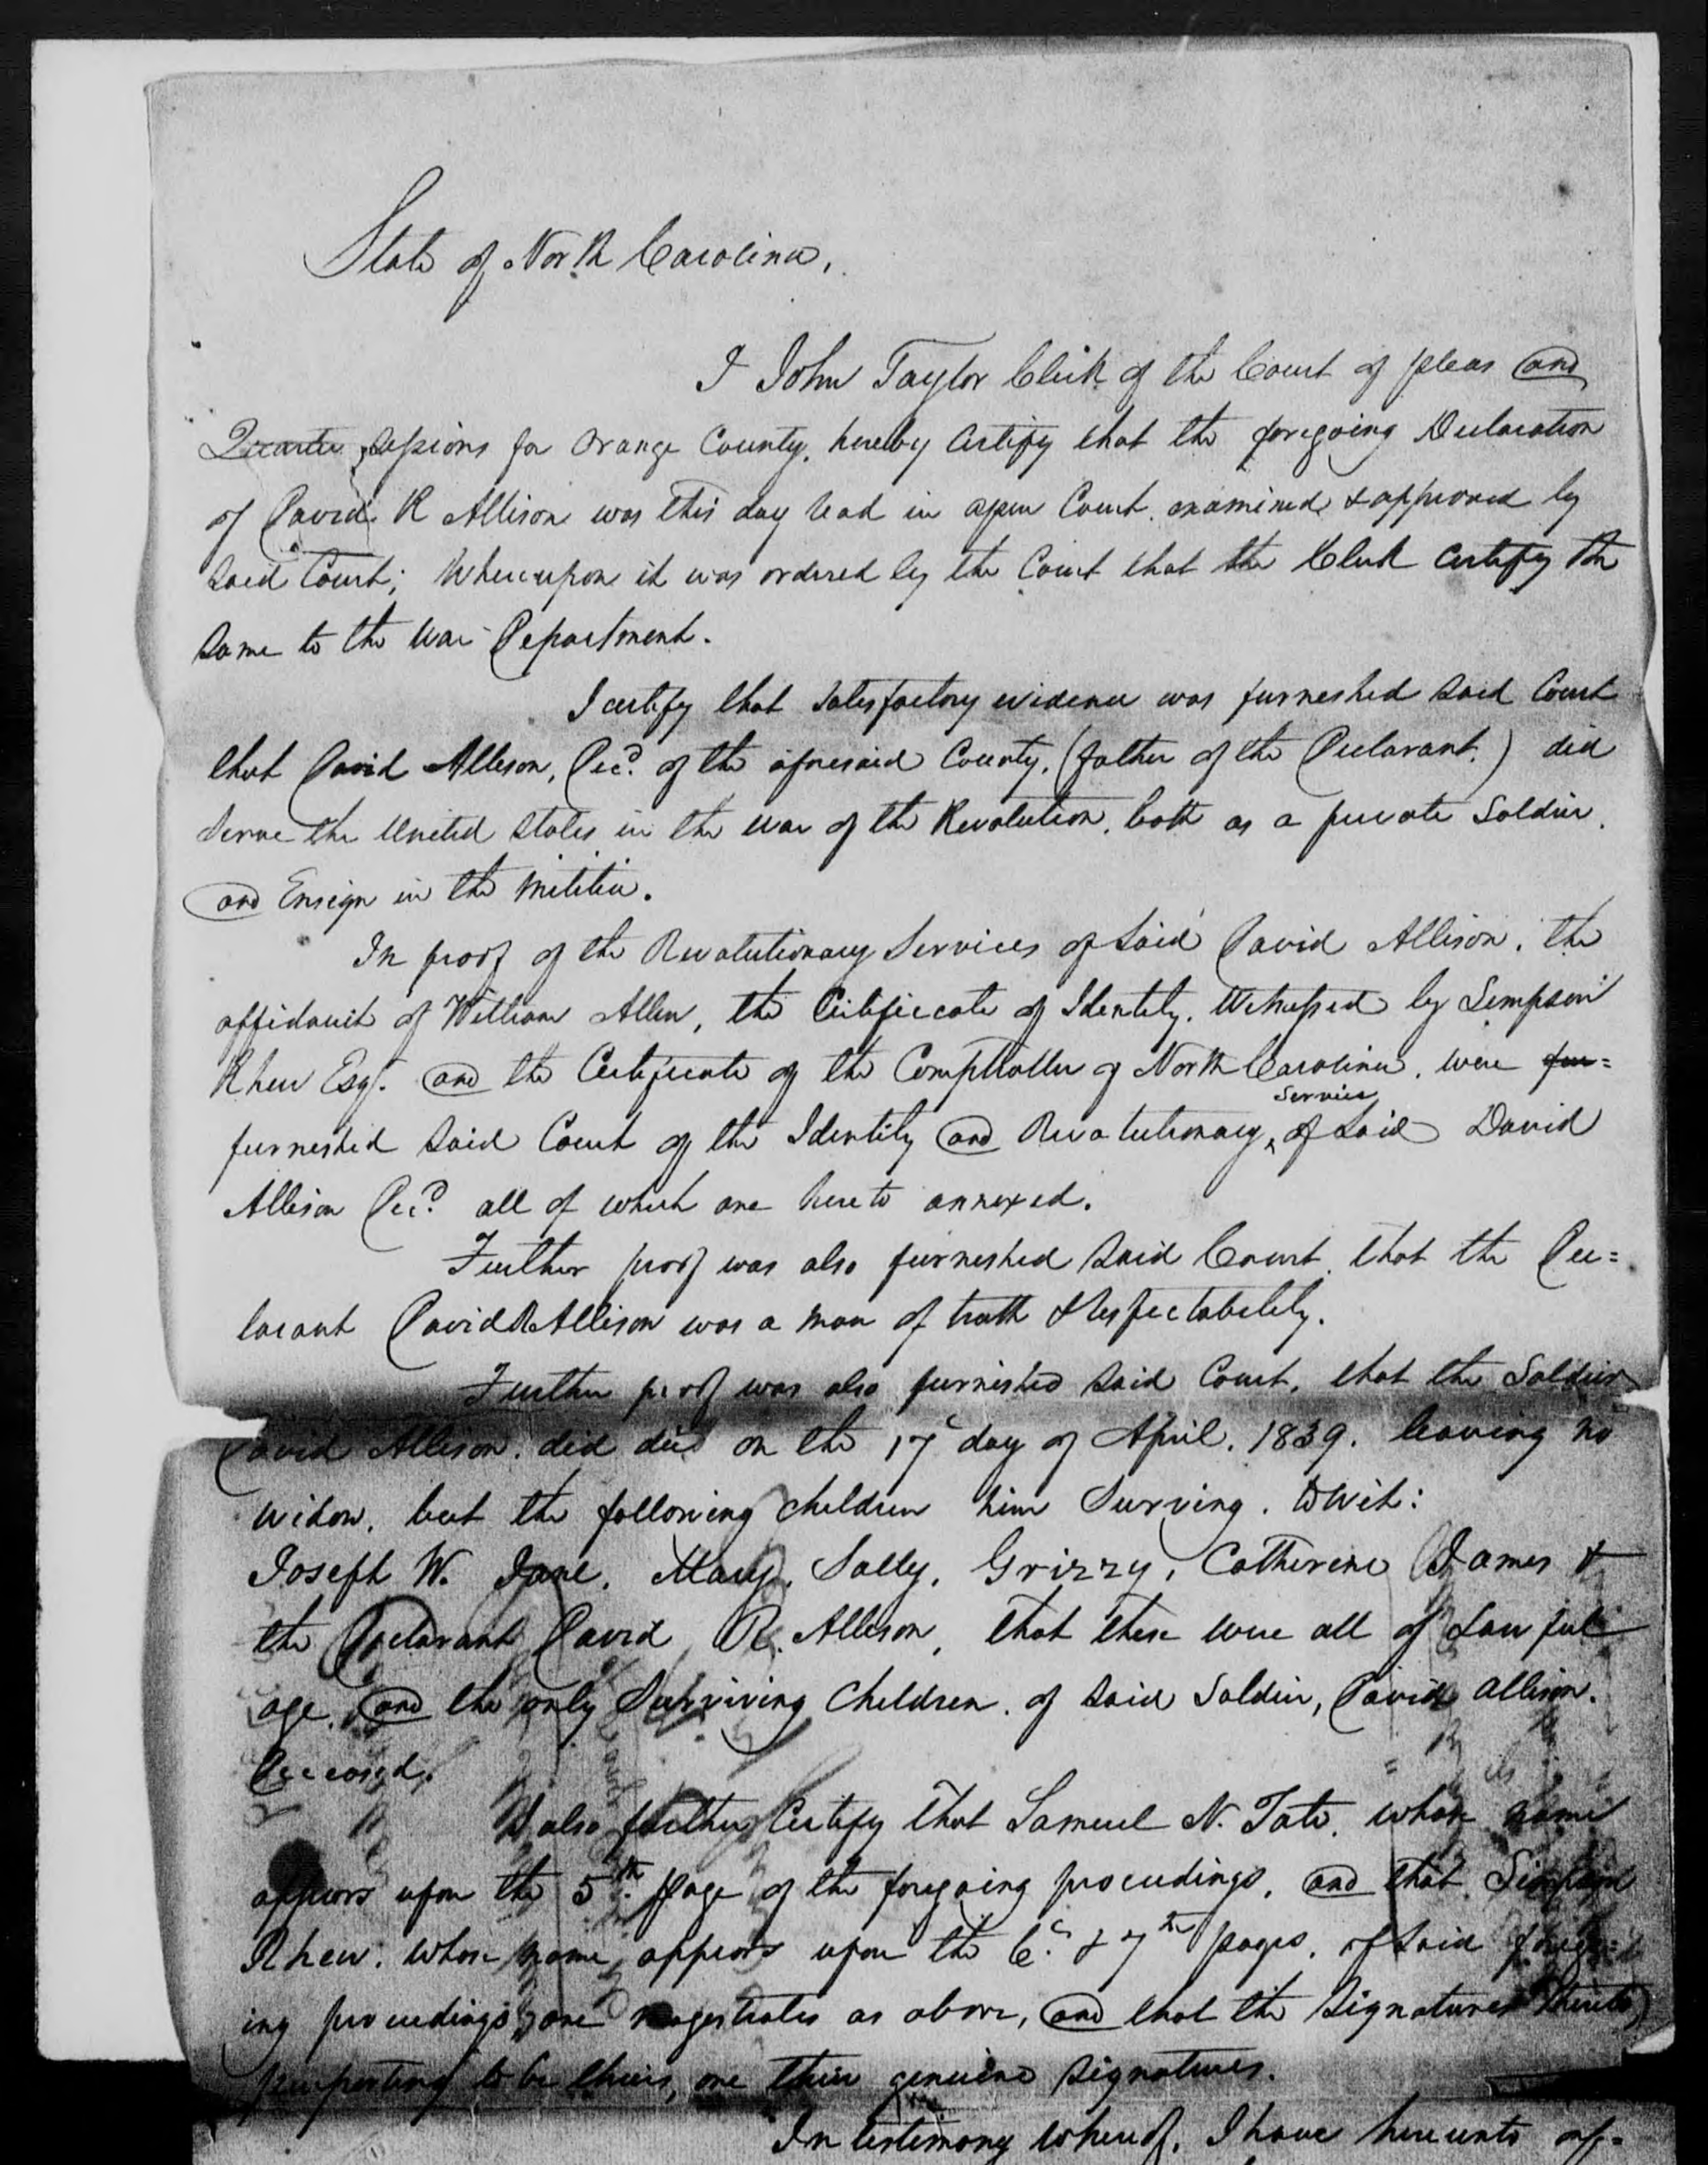I, John Taylor Clerk of the Court of Pleas and quarter  sessions for Orange County, hereby certify that the foregoing declaration of David R Allison was on this day had in open court examined and approved by said court; whereupon it was ordered by the Court that the Clerk certify the same to the War Department.
I certify that satisfactory evidence was furnished said court that David Allison [illegible] of the aforesaid county (father of the Declarant) did serve the United States in the war of the Revolution, both as a private soldier and ensign in the militia.
In proof of the Revolutionary Services of said David Allison, the affidavits of William Allen, the certificate of identity, witnessed by Simpson Rhew Esq and the certificate of the Comptroller of North Carolina, were furnished said court of the identity and revolutionary service of said David Allison [illegible] all of which are hereto annexed.
Further proof was also furnished said Court that the declarant David Allison was a man of truth and respectability.
Further proof was also furnished said court that the soldier David Allison did deceased on the 17 day of April  leaving no widow, but the following children him surviving to wit: Joseph W, Jane, Stacy, Sally, Grizzy, Catherine, James and the declarant David R Allison.  That these were all of lawful age and the only surviving children of said soldier, Davis Allison  recorded.
I also further certify that Samuel N Tate, whose name upon the 5th page of the foregoing and that Simpson Rhew, whose name appears upon the 6th and 7th pages of said [illegible] proceedings one magistrate as above and that the signature [illegible] purported to be theirs, are their genuine signatures
In testimony whereof, I have hereto af-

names: William Allen, Catherine, James, David Allison, Mary, David Allison, Sally, Simpson Rhew, Jane, David R Allison, Simpson Rhew, David Allison, John Taylor, David Allison, David A Allison, David R Allison, Joseph W, Grizzy, David Allison, Samuel N Tate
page: 7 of 33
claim: rejected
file: R. 155, David Allison, N.C.